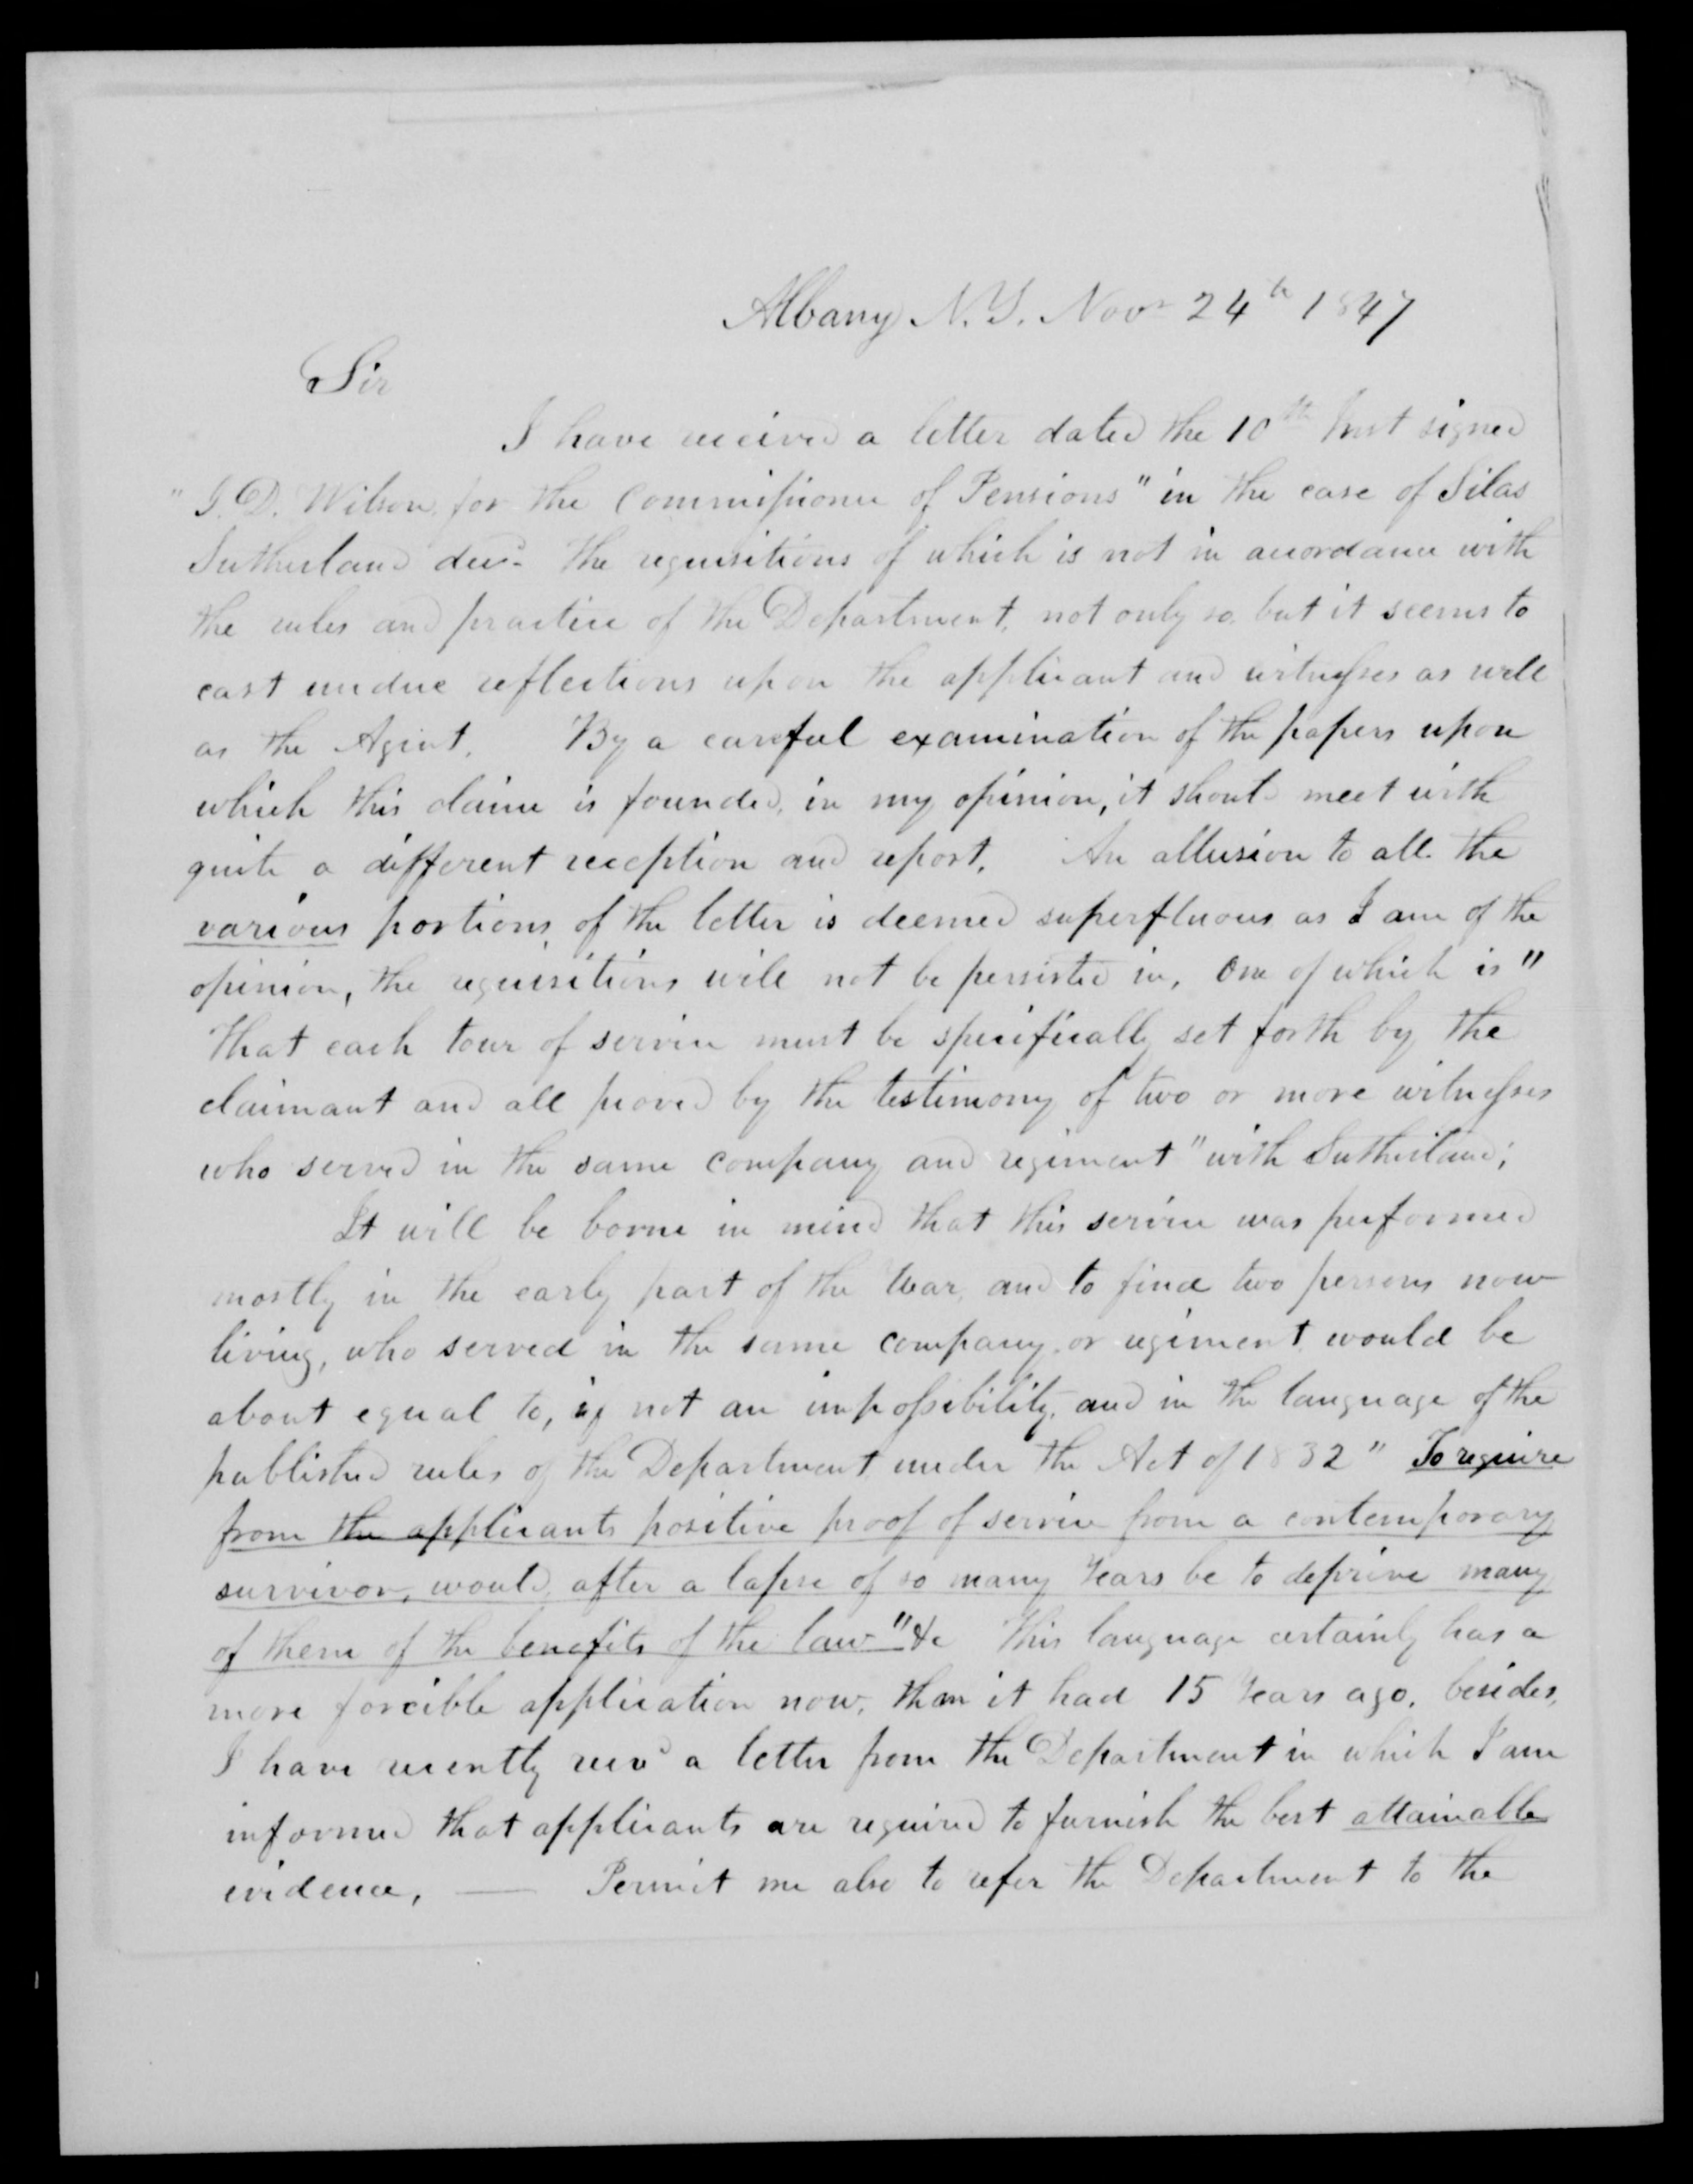Albany N.Y. Nov 24th 1847
Sir
I have received a letter dated the 10th Inst signed "J.D. Wilson for the Commissioner of Pensions" in the case of Silas Sutherland decd. The requisitions of which is not in accordance with the rules and practice of the Department, not only so, but it seems to cast undue reflections upon the applicant and witnesses as well as the Agent. By a careful examination of the papers upon which this claim is founded, in my opinion, it should meet with quite a different reception and report. An allusion to all the various portions of the letter is deemed superfluous as I am of the opinion, the requisitions will not be persisted in, one of which is "That each tour of service must be specifically set forth by the claimant and all proved by the testimony of two or more witnesses who served in the same company and regiment" with Sutherland.
It will be borne in mind that this service was performed mostly in the early part of the war, and to find two person now living, who served in the same company or regiment would be about equal to, if not an impossibility, and in the language of the published rules of the Department under the Act of 1832". To require from the applicants positive proof of service from a contemporary survivor, would after a lapse of so many years be to deprive many of them of the benefits of the law" &c. This language certainly has a more forcible application now, than it had 15 years ago, besides, I have recently recd. a letter from the Department in which I am informed that applicants are required to furnish the best attainable evidence. Permit me also to refer the Department to the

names: J D Wilson; [BLANK] Sutherland; Silas Sutherland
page: 42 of 77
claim: survivor's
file: S. 23003, for Silas Southerland, New York